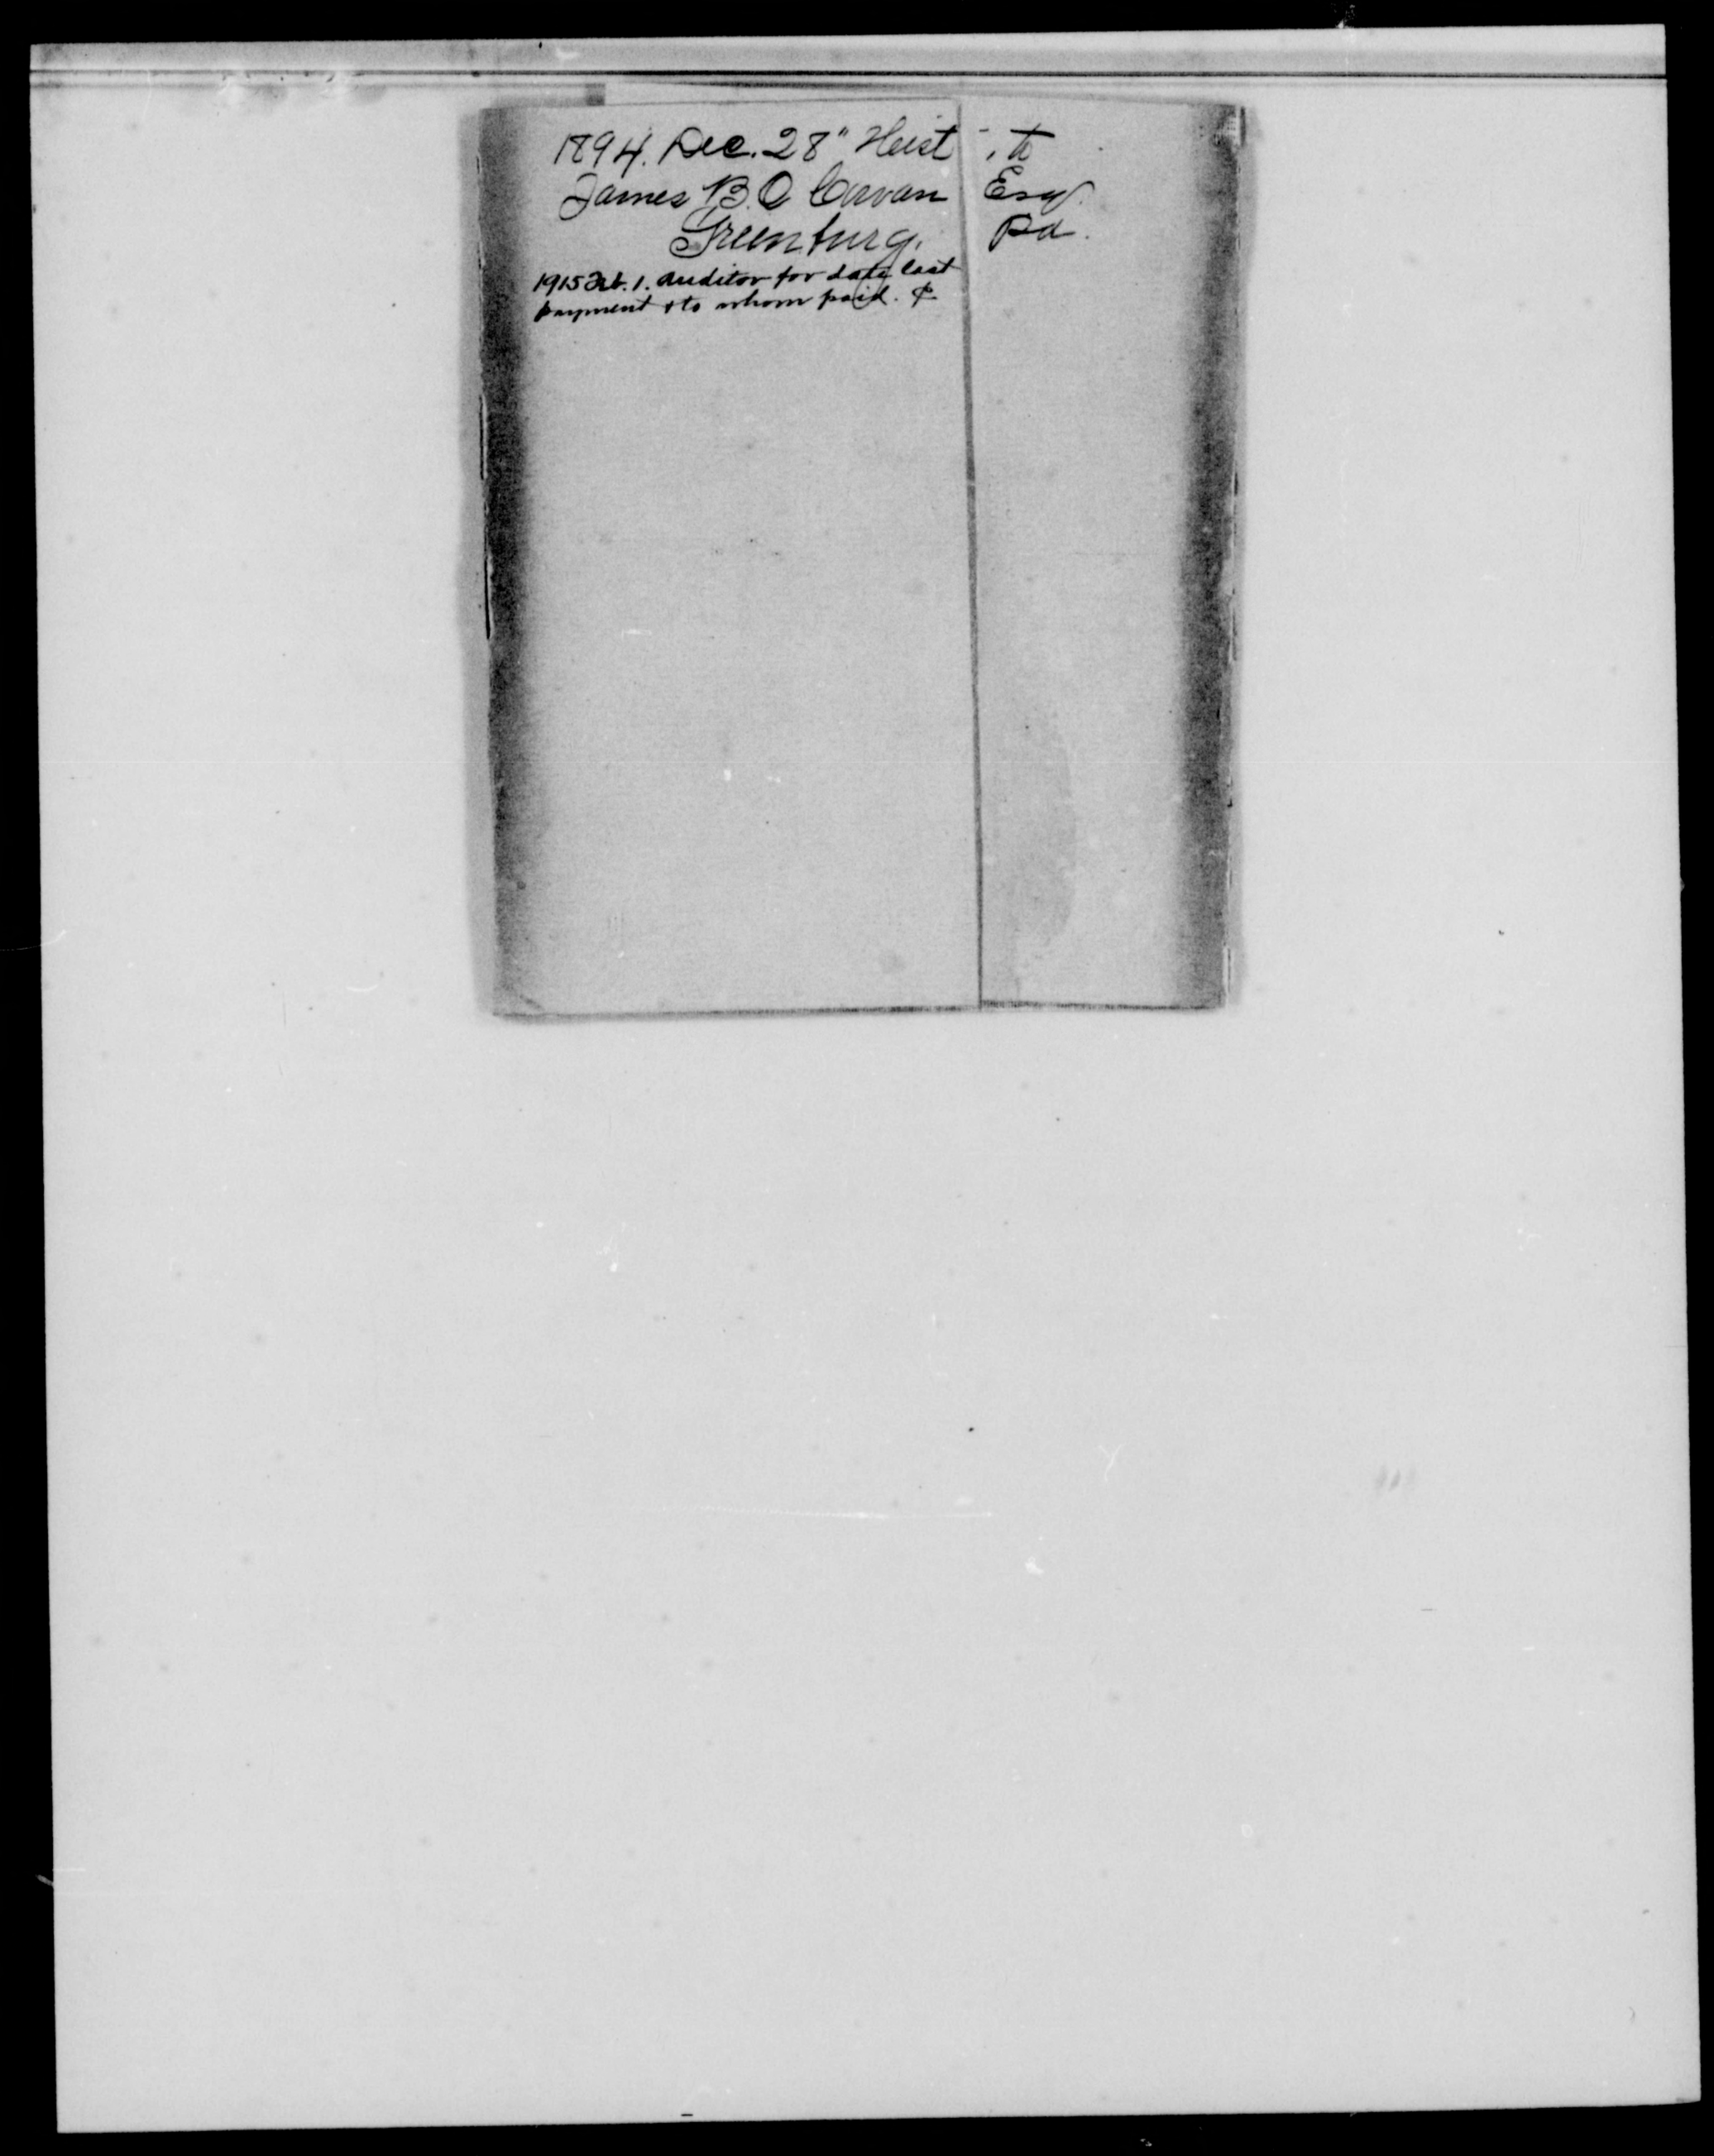1894. Dec. 28" Hist to 
James B. O  Cowan Esq
Greenburg, Pa

1915 Feb 1 Auditor for date last
payment & to whom paid [cents]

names: James B O Cavan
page: 68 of 68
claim: survivor's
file: S. 6,358, George Wentling, Penn.